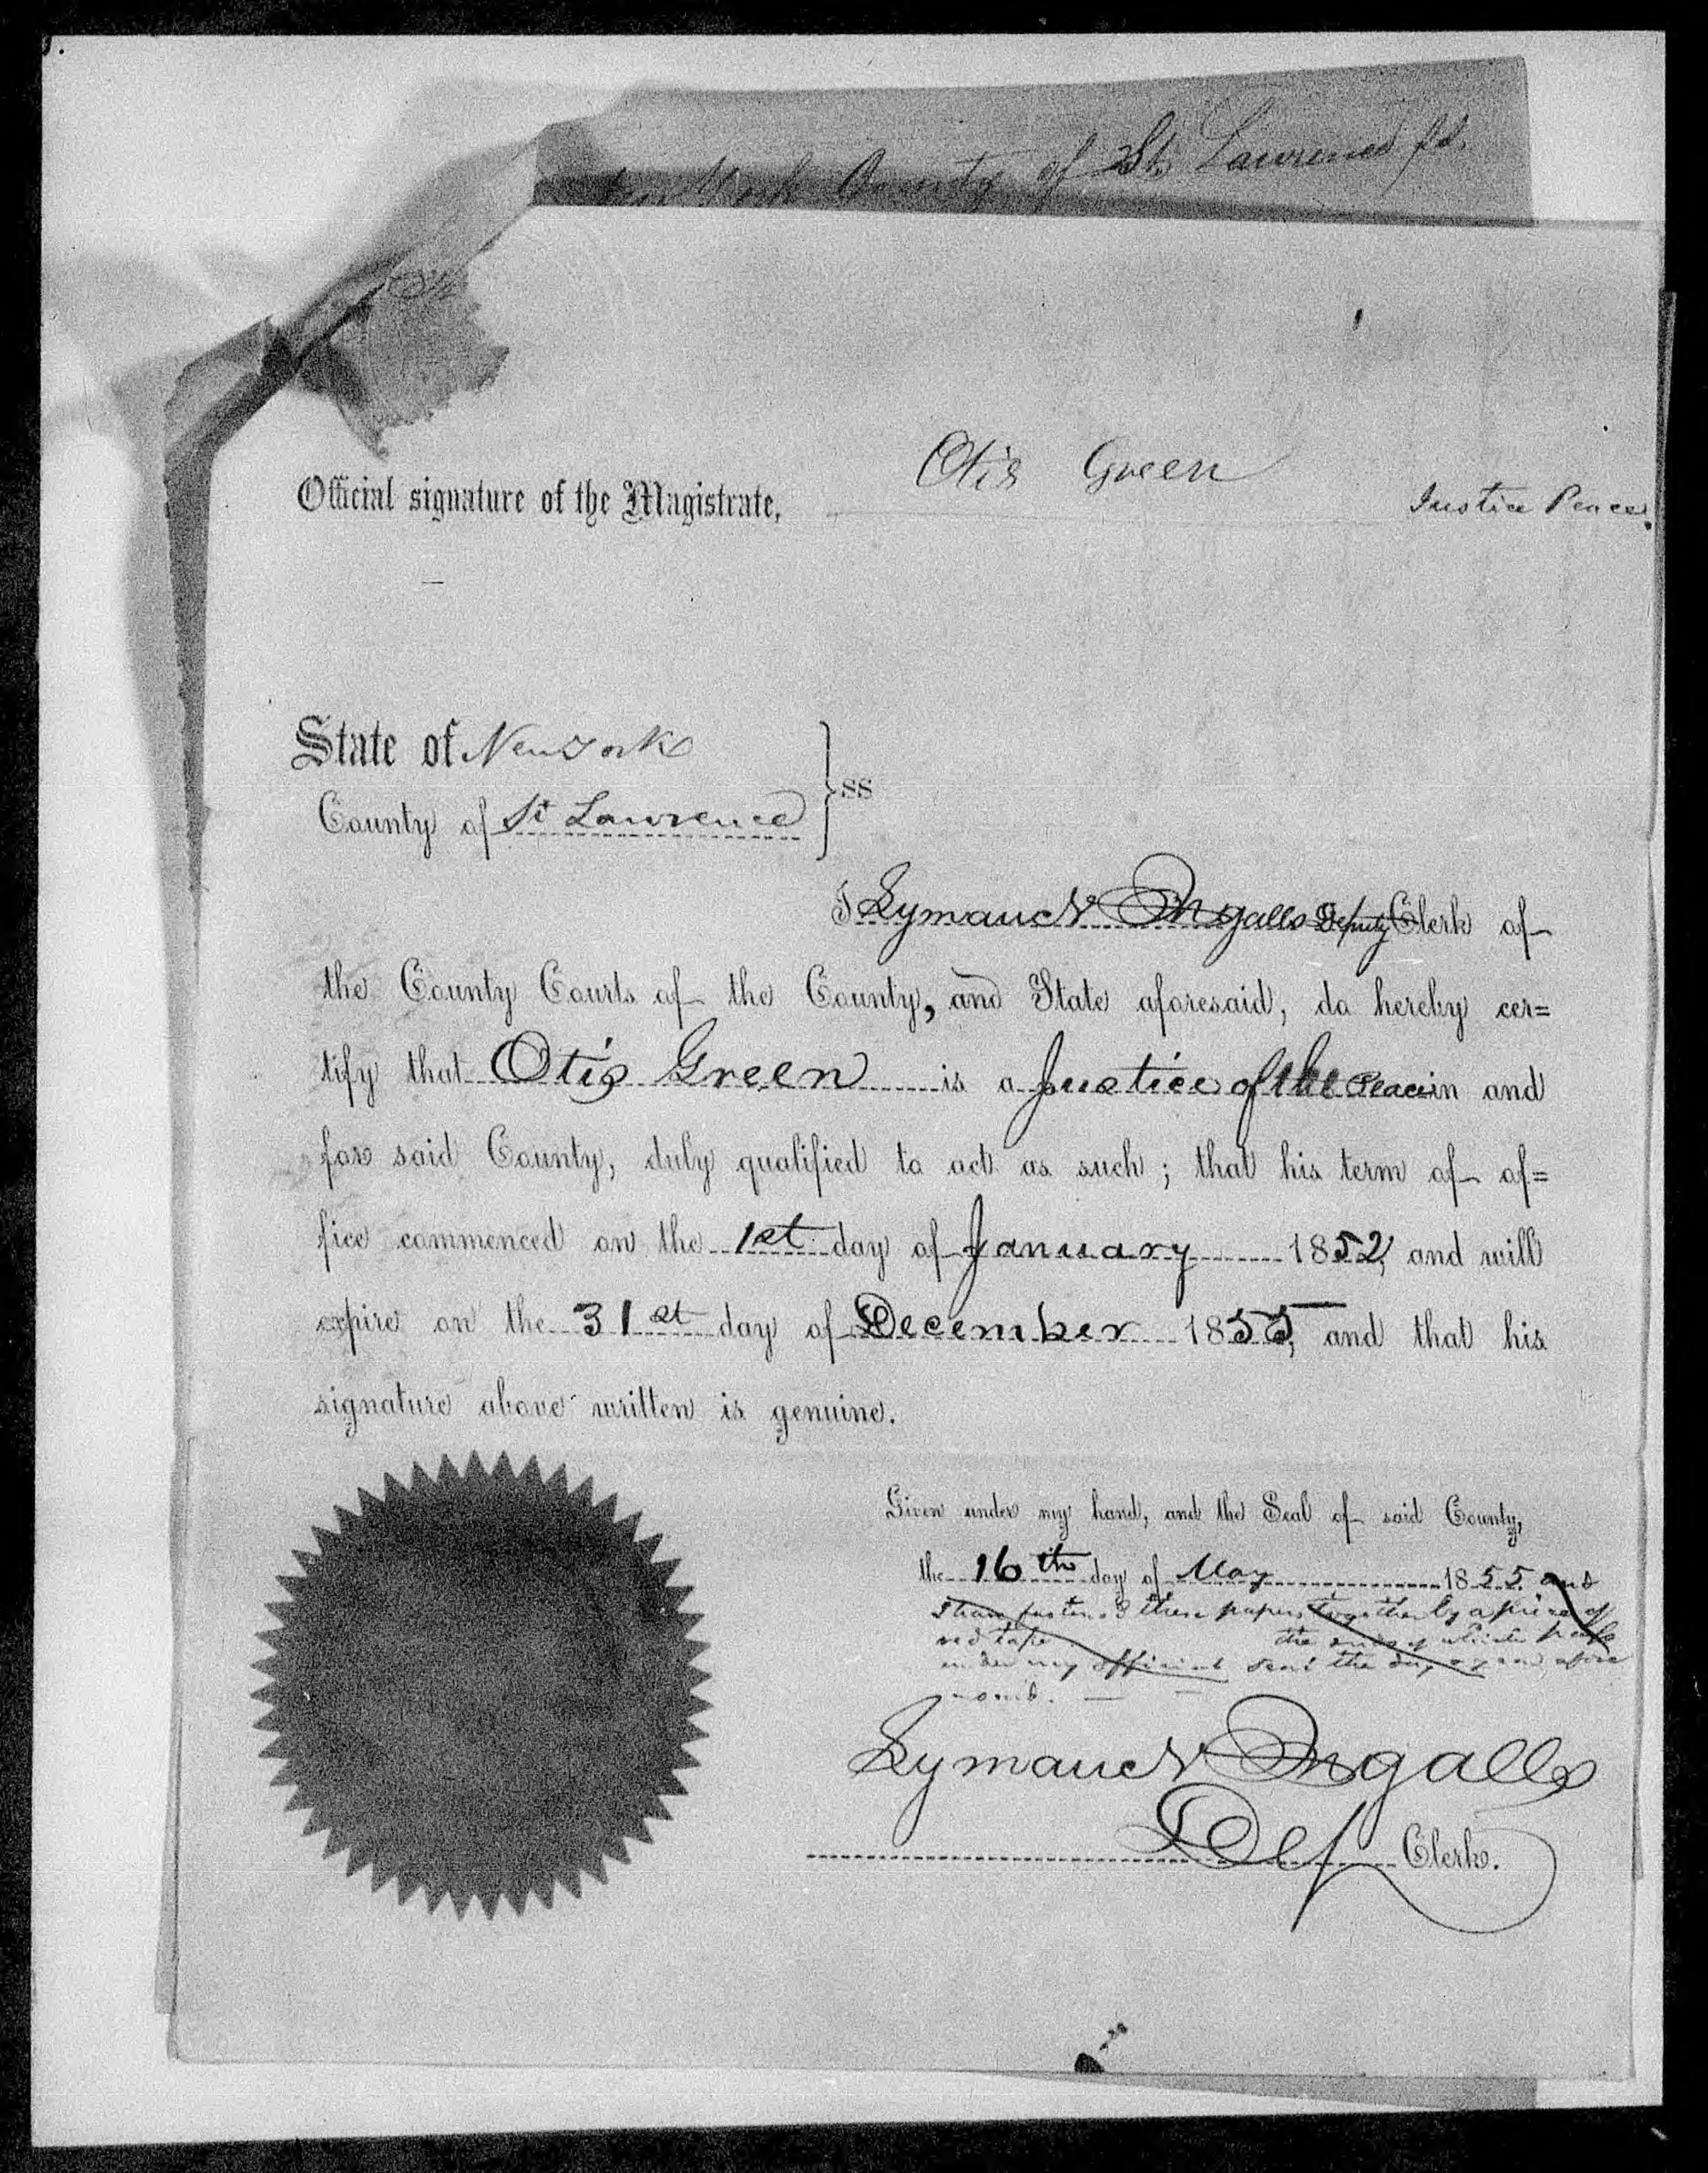State of New York
County of St. Lawrence  ss
I Symanct Ingalls Deputy Clerk of the County Courts of the County, and State aforesaid, do hereby certify that Otis Green is a Justice of the Peace in and for said County, duly qualified to act as such; that his term of office commenced on the 1st day of January 1852, and will expire on the 31st day of December 1855, and that his signature above written is genuine.
Given under my hand, and the Seal of said County the 16th day of May 1855 and I have fastened these papers together thereby affixed of red tape the ends of which heretofo under my official sal the day & year aforesaid.
Symancs Ingalls   Dep Clerk.
(seal)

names: Lyman N Ingalls, Lyman N Ingalls, Otis Green, Otis Green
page: 59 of 98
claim: widow's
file: W. 21182, Francis Gigo, Continental (Canadian)